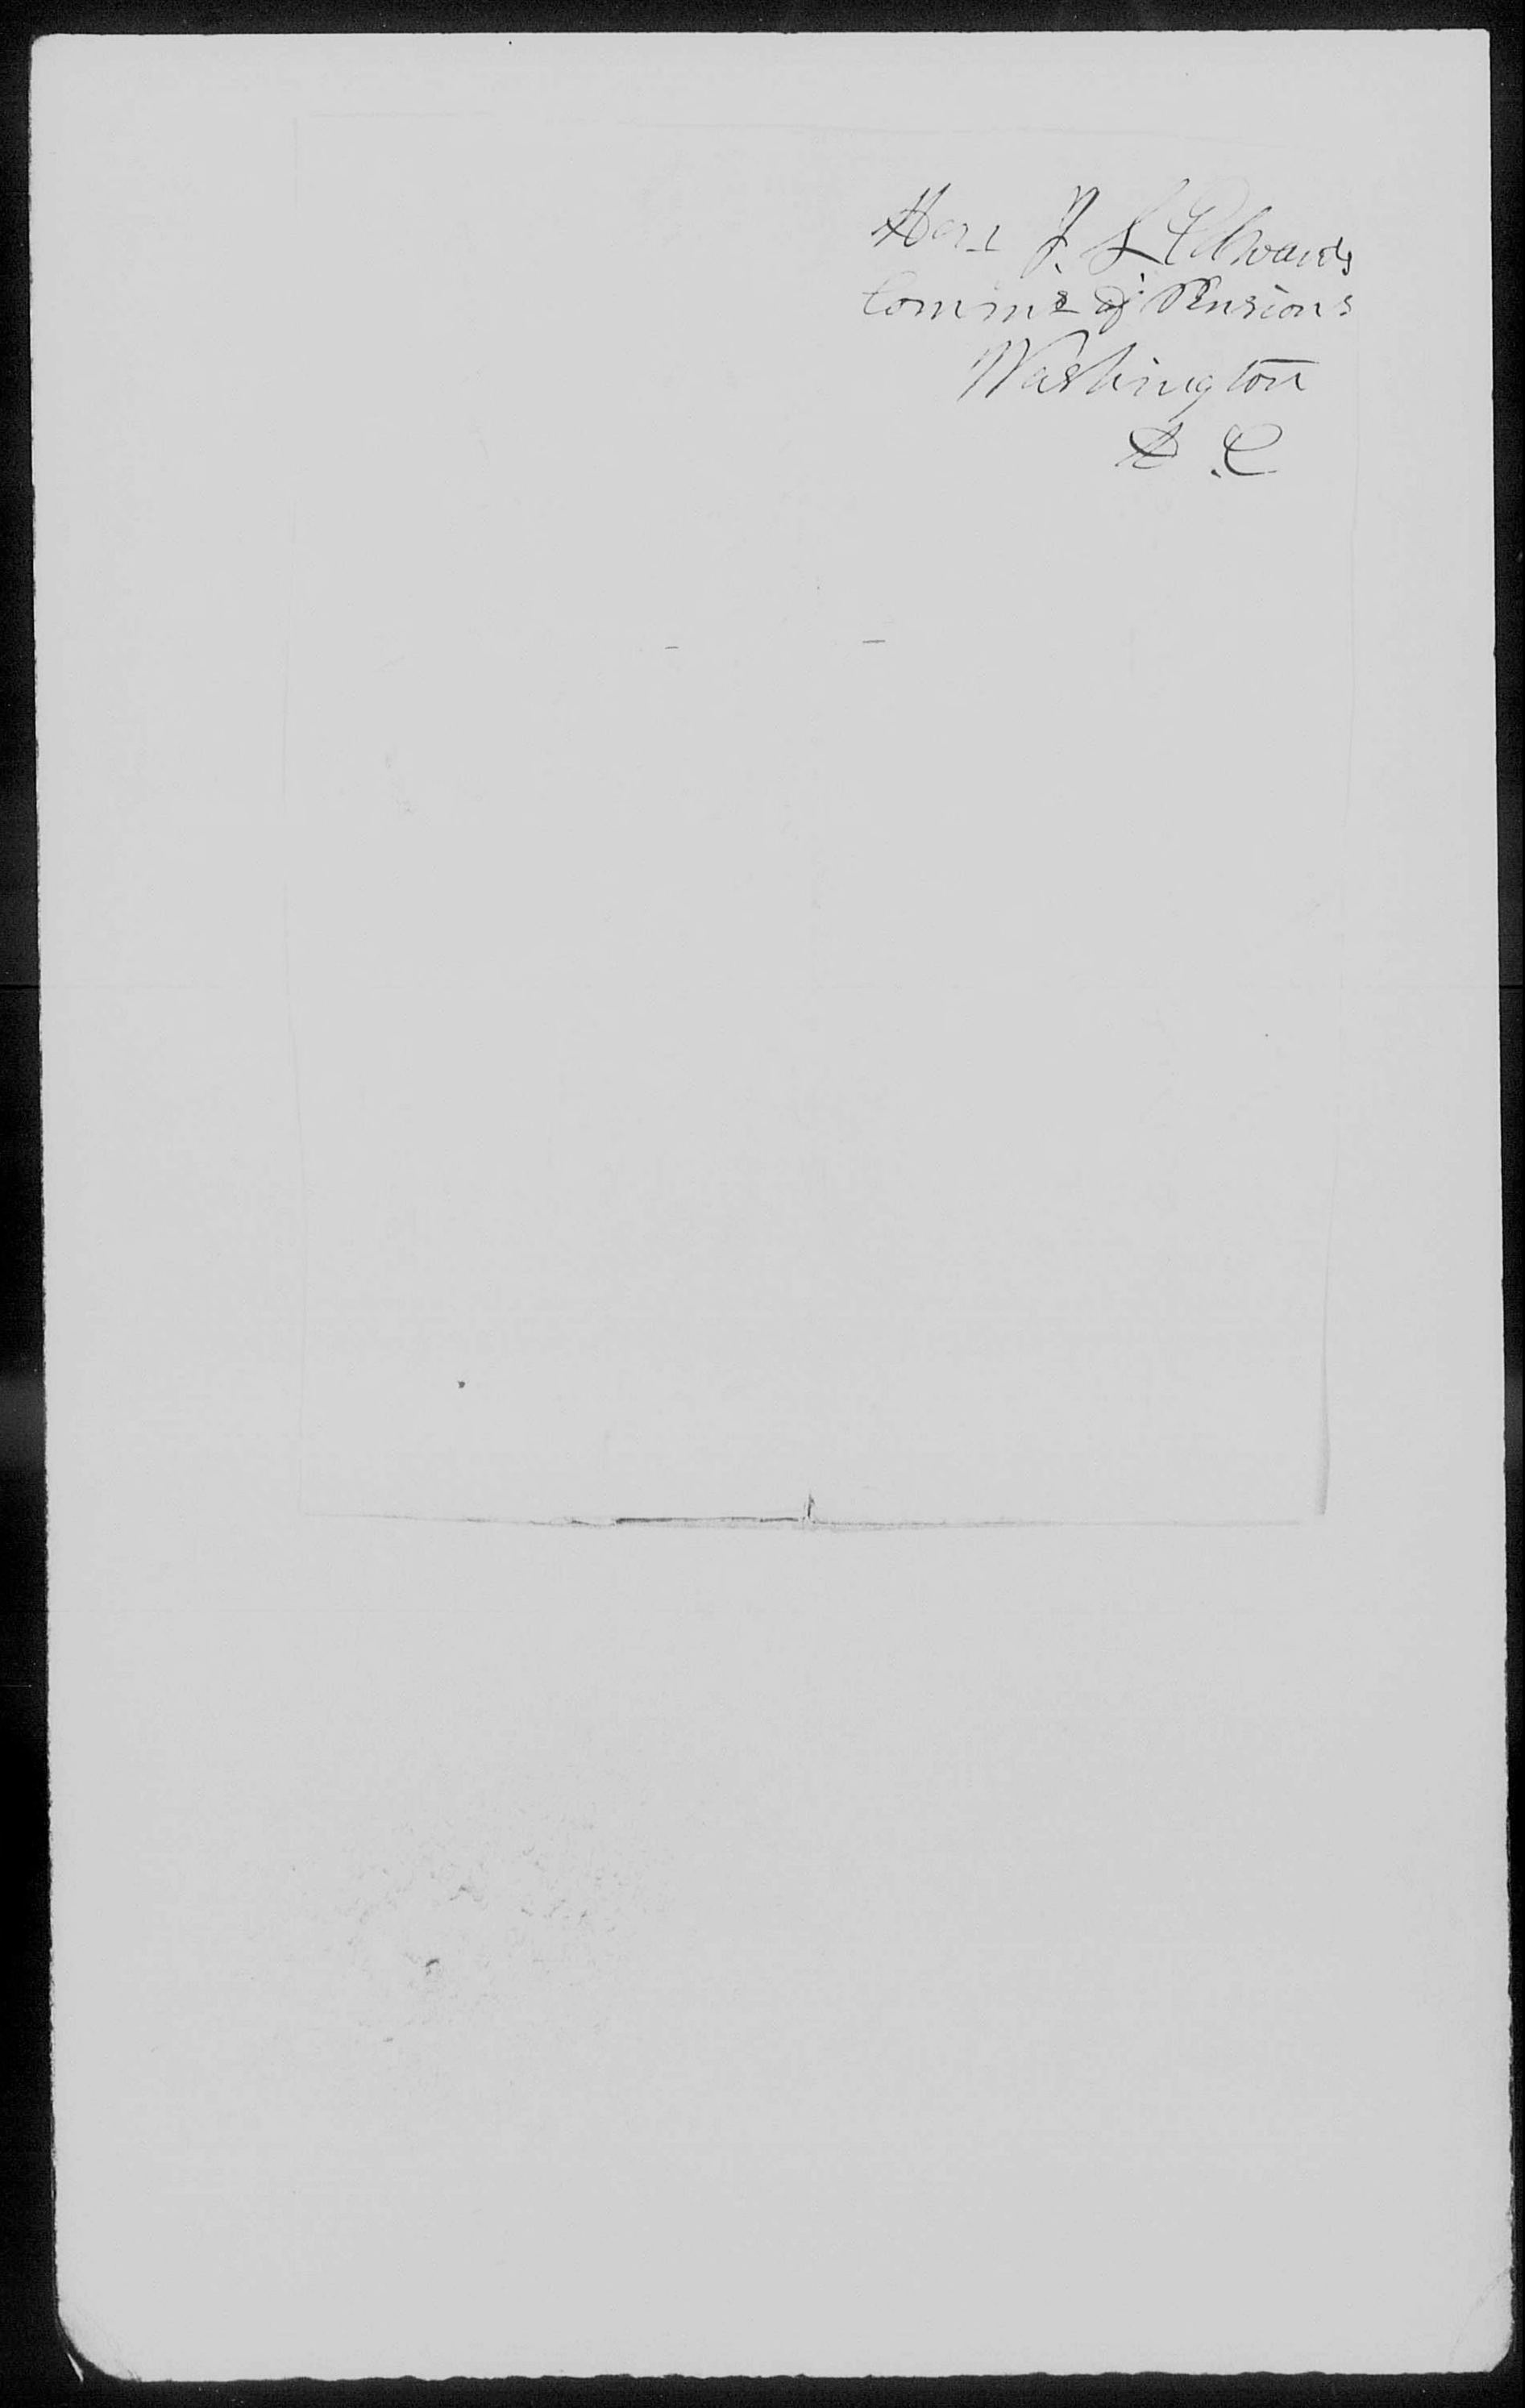Hon J. L. Edwards
Comms of Pensions
Washington
D.C.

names: J L Edwards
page: 13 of 106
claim: survivor's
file: S 23,116., Joshua Benedict, Conn.